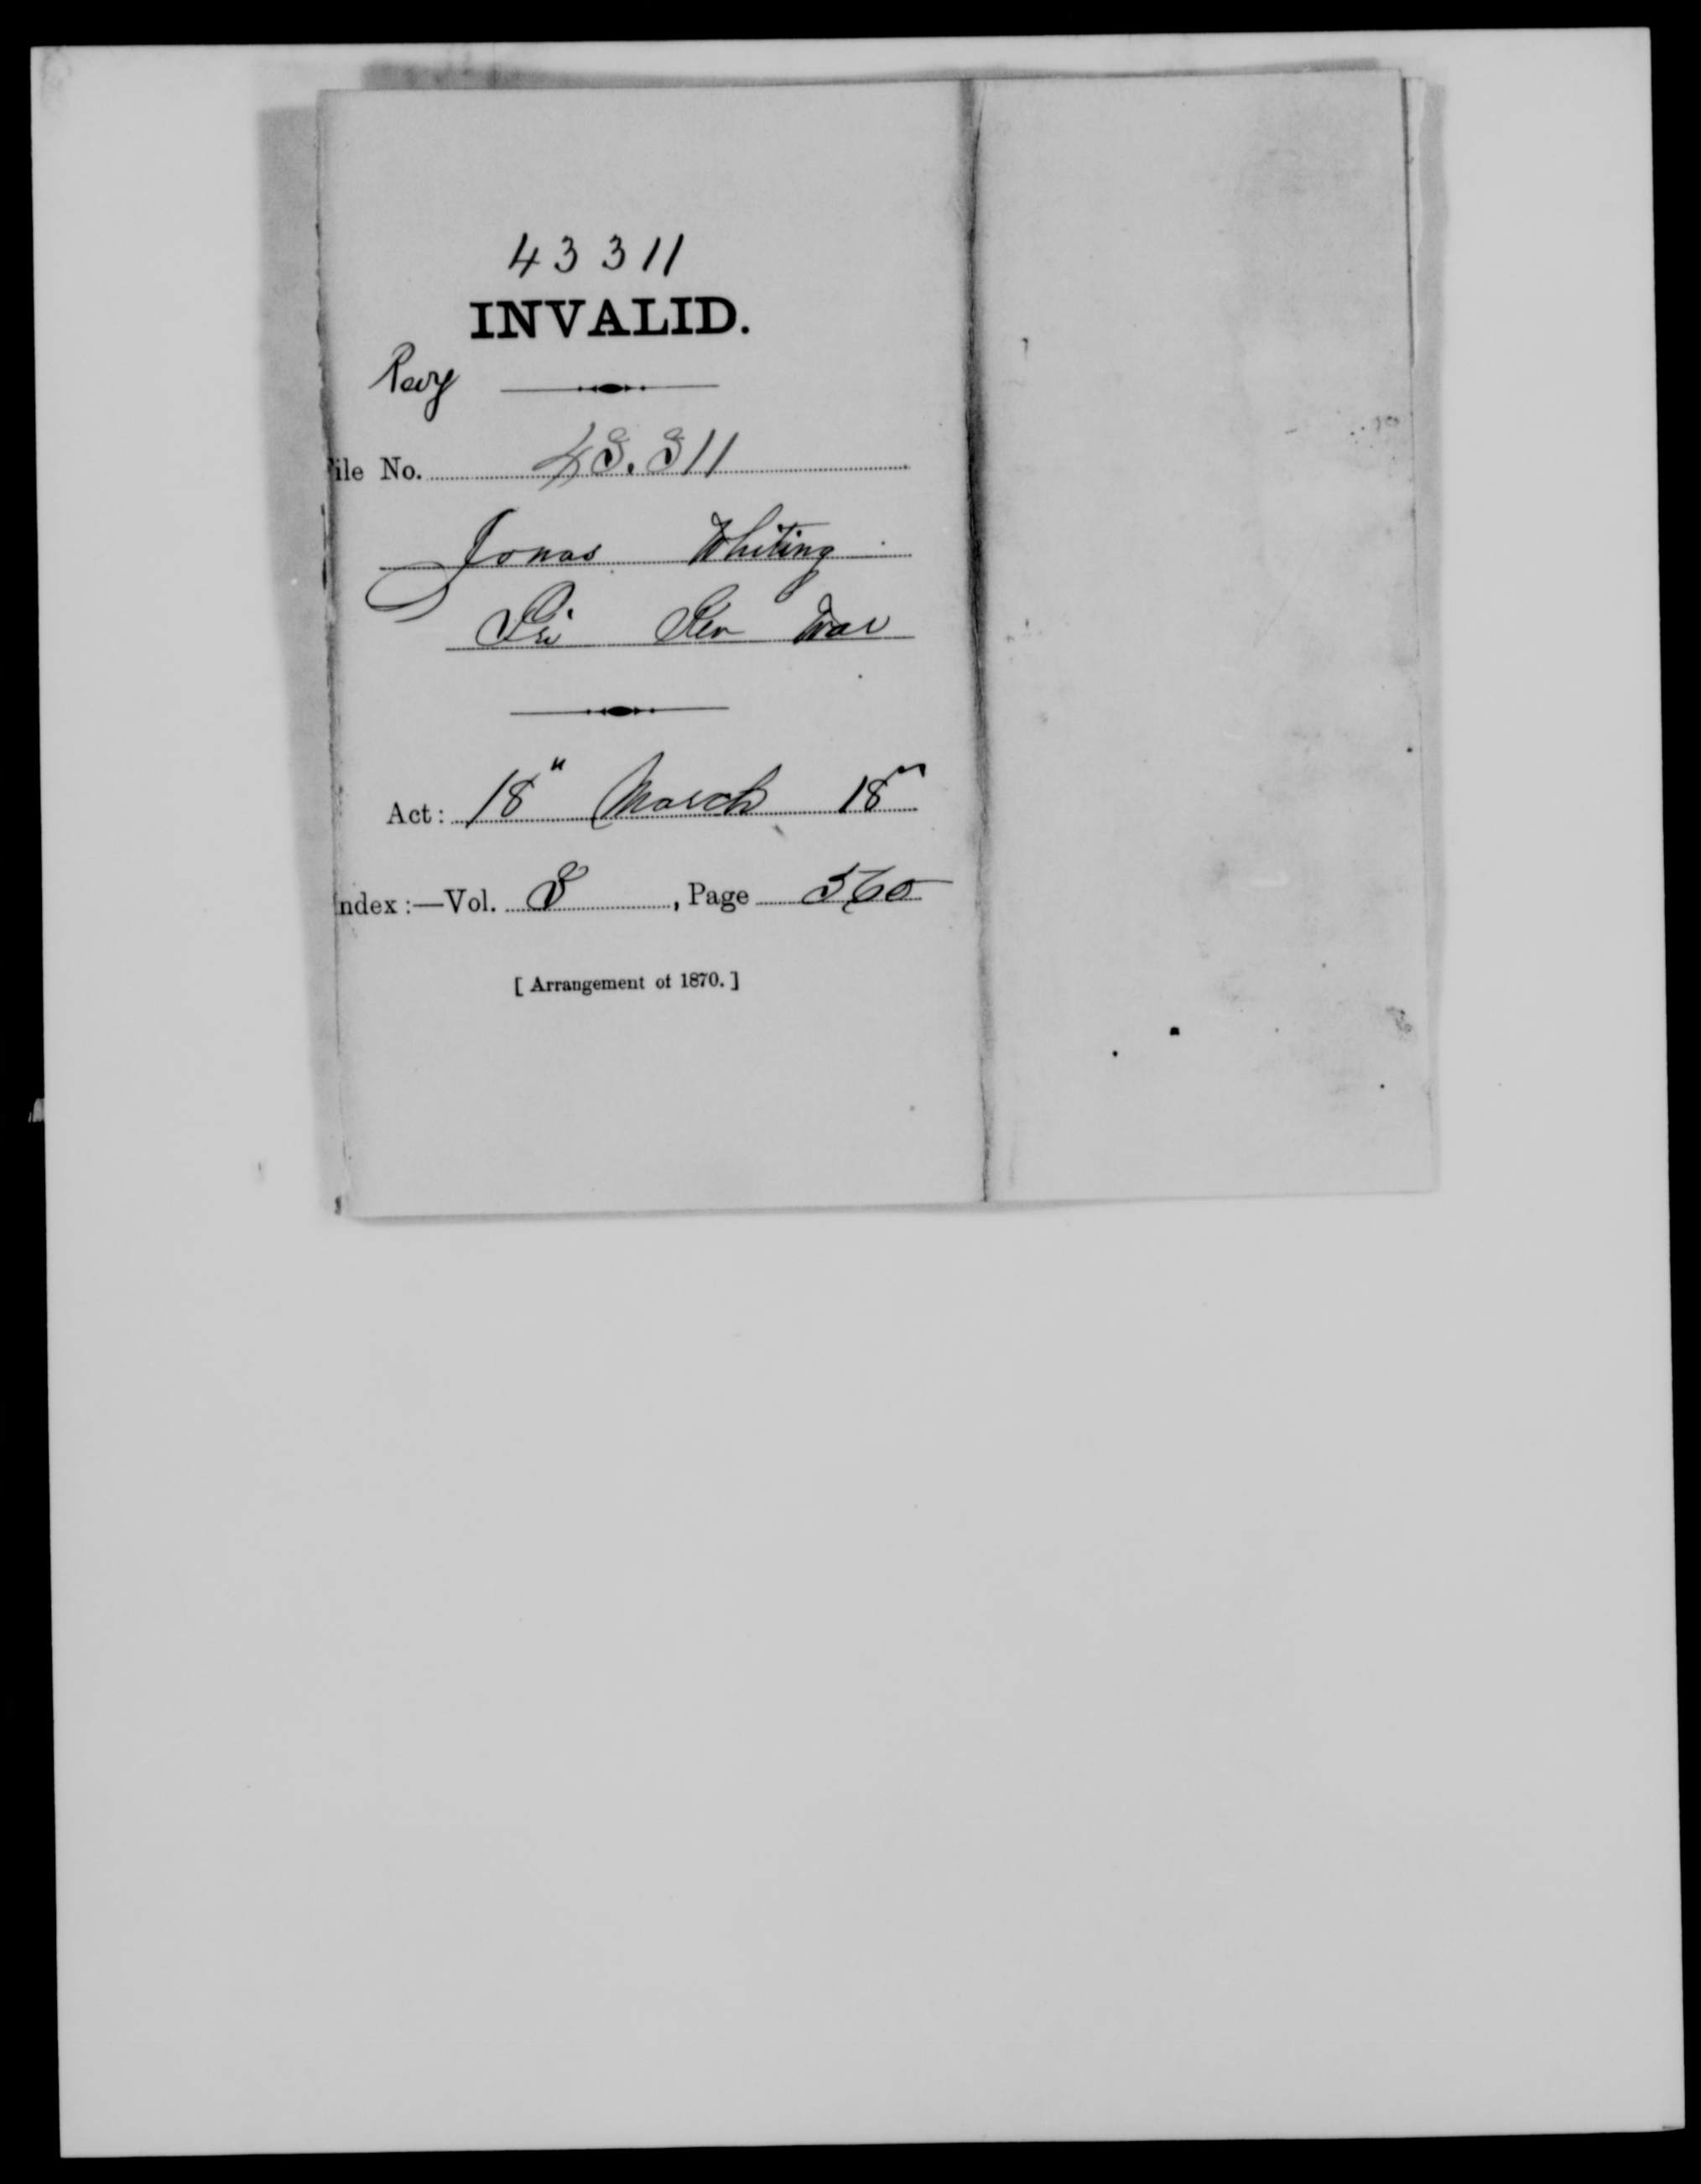43311
INVALID.
Revy
---
File No. 43.311

Jonas Whiting
Pri Rev War
---
Act: 18 March 18
Index: - Vol. I Page 560
Arrangement of 1870.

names: Jonas Whiting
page: 12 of 22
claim: survivor's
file: S. 43298, Jonas Whiting, Mass.